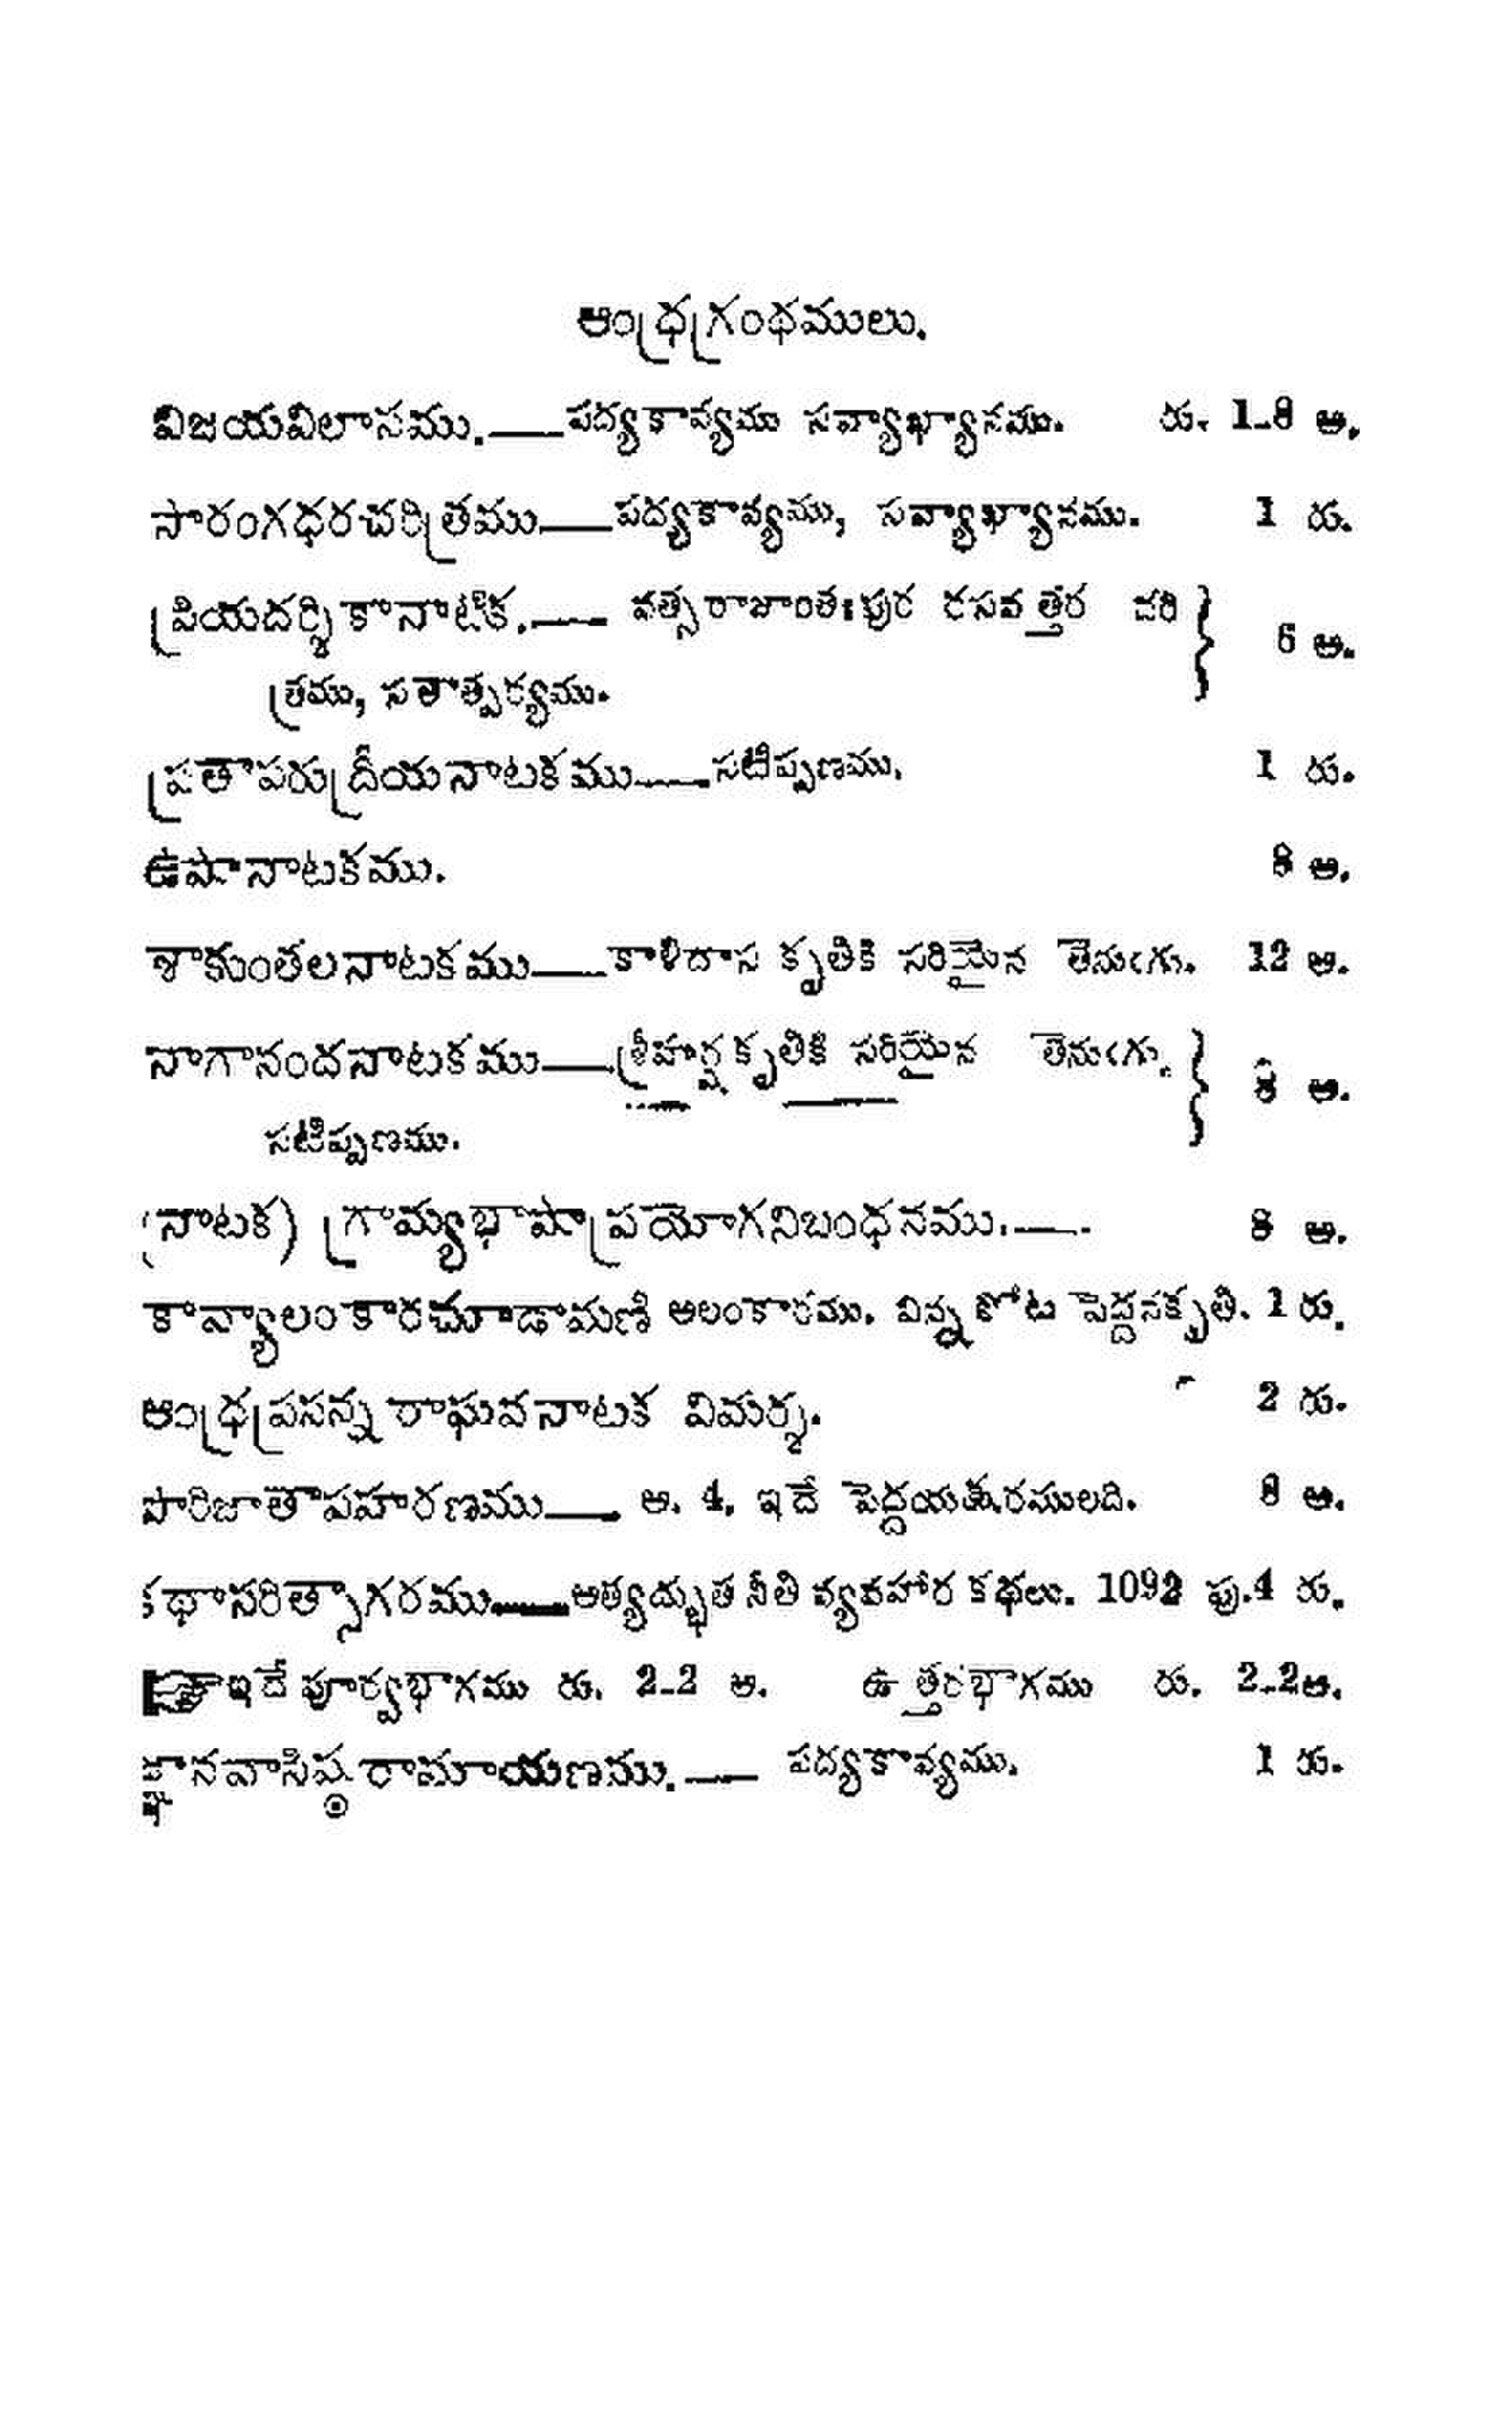విజయవిలాసము. పద్య కావ్యము సవ్యాఖ్యానము. రు. 1. అ.
సారంగధర చరిత్రము పద్యకావ్యము, సవ్యాఖ్యానము. రు 1 రు
ప్రియదర్శి కొనాటిక -- వత్స రాజాంతఃపుర రసవత్తర కరి
వరిత్రము, సతాత్పర్యము. 6 అ.
ప్రతాపరుద్రీయనాటకము....... టిప్పణము, 1 రు
ఉషానాటకము. 8 అ
శాకుంతలనాటకము కాళీదాస కృతికి సరియైన తెనుఁగు. 12 ఆ.
నాగానంద నాటకము— శ్రీహర్ష కృతికి సరియైన తెనుఁగు,
సటిప్పణము. 8 అ.
నాటక) గ్రామ్య భాషా ప్రయోగ నిబంధనము... 8 అ
కాన్యాలం కారచూడామణీ ఆలంకారము, విన్న కోట పెద్దనకృతి. 1రు.
ఆంధ్రప్రసన్న రాఘవ నాటక విమర్శ. 2 రు
పారిజాతాపహరణము. ఆ. 4, ఇదే పెద్దయత్మ రములది. 8 అ.
కథాసరిత్సాగరము... అత్యద్భుత నీతి వ్యవహార కథలు. 1092 పు.1 రు.
ఇదే పూర్వభాగము రు. 2.2 ఆ. ........ ఉత్తర భాగము రు. 2.26,
జ్ఞానవాసిష్ఠ రామాయణము - పద్య కావ్యము. 1. రు
.